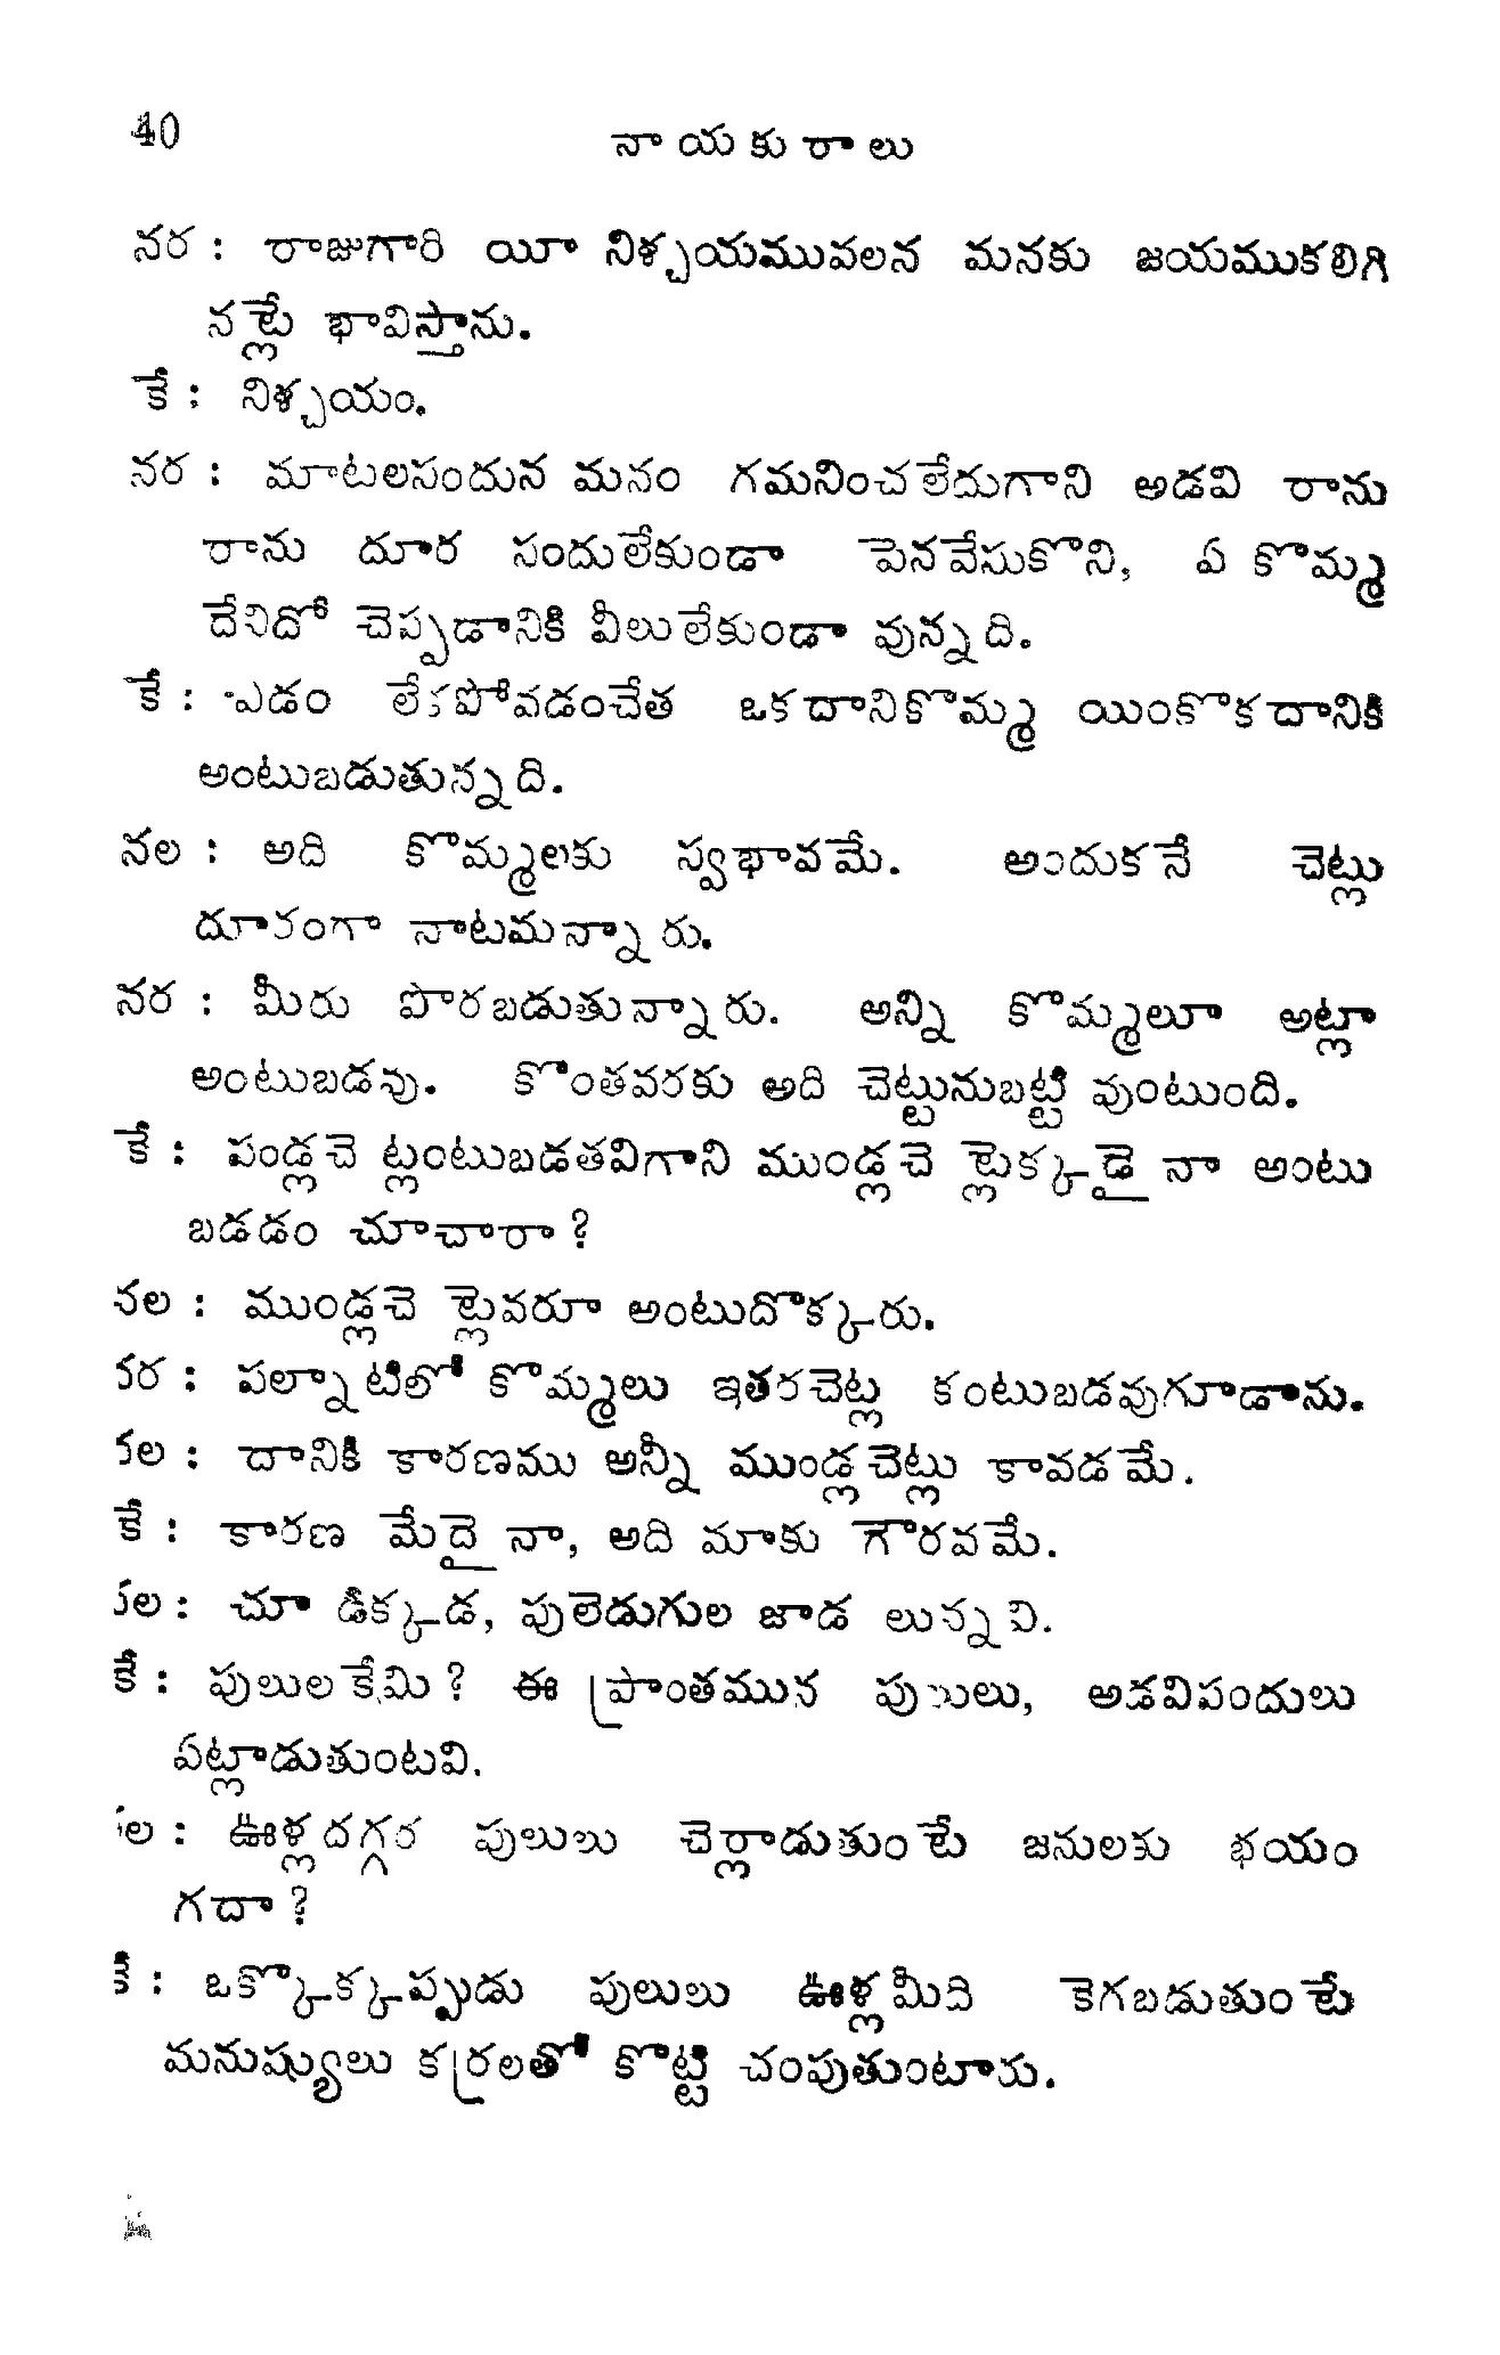నర : రాజుగారి యీ నిశ్చయమువలన మనకు జయముకలిగినట్లే భావిస్తాను.

కే : నిశ్చయం.

నర : మాటలసందున మనం గమనించలేదుగాని అడవి రాను రాను దూర సందులేకుండా పెనవేసుకొని, ఏ కొమ్మ దేనిదో చెప్పడానికి వీలులేకుండా వున్నది.

కే : ఎడం లేకపోవడంచేత ఒక దానికొమ్మ యింకొకదానికి అంటుబడుతున్నది.

నల : అది కొమ్మలకు స్వభావమే. అందుకనే చెట్లు దూరంగా నాటమన్నా రు.

నర : మీరు పొరబడుతున్నారు. అన్ని కొమ్మలూ అట్లా అంటుబడవు. కొంతవరకు అది చెట్టునుబట్టి వుంటుంది.

కే : పండ్లచె ట్లంటుబడతవిగాని ముండ్లచె ట్లెక్కడైనా అంటుబడడం చూచారా?

నల : ముండ్లచె ట్లెవరూ అంటుదొక్కరు.

నర : పల్నాటిలో కొమ్మలు ఇతరచెట్ల కంటుబడవుగూడాను.

నల : దానికి కారణము అన్నీ ముండ్లచెట్లు కావడమే .

కే : కారణ మేదైనా, అది మాకు గౌరవమే.
నల: చూ డిక్కడ, పులెడుగుల జాడ లున్నవి.

కే : పులులకేమి ? ఈ ప్రాంతమున పులులు, అడవిపందులు ఏట్లాడుతుంటవి.

నల : ఊళ్లదగ్గర పులులు చెర్లాడుతుంటే జనులకు భయంగదా?

కే : ఒక్కొక్కప్పుడు పులులు ఊళ్లమీది కెగబడుతుంటే మనుష్యులు కర్రలతో కొట్టి చంపుతుంటారు.